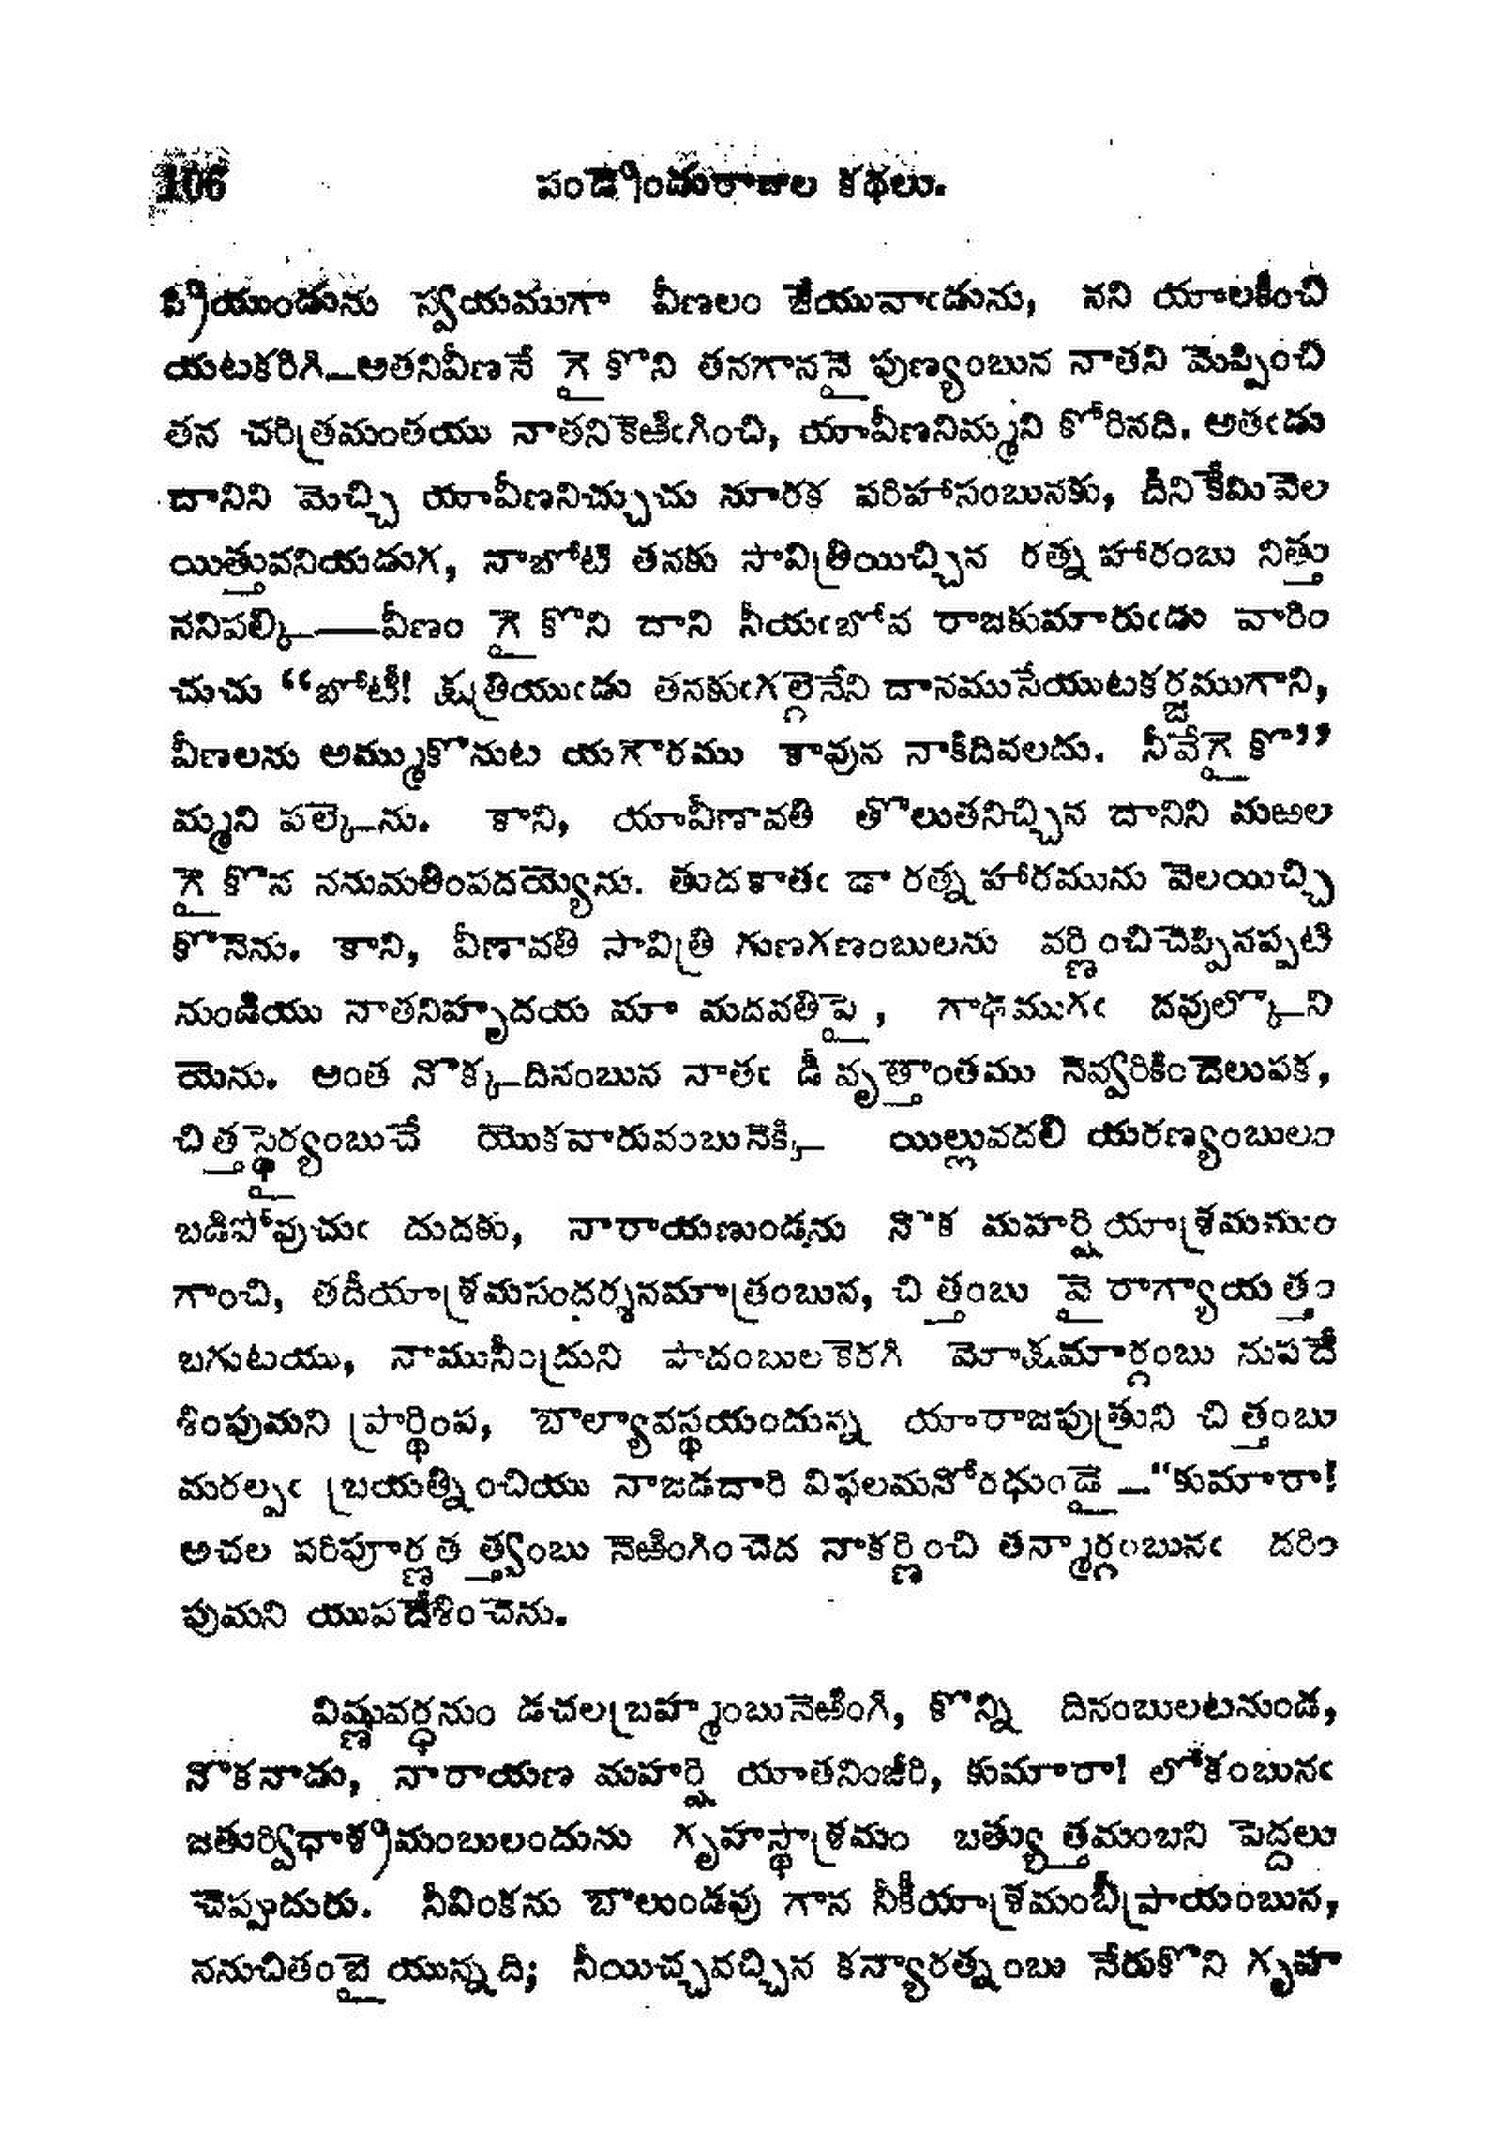ప్రియుండును స్వయముగా వీణలం జేయువాఁడును, నని యాలకించి యటకరిగి——అతనివీణనే గైకొని తనగాన నైపుణ్యంబున నాతని మెప్పించి తన చరిత్రమంతయు నాతని కెఱిఁగించి, యావీణనిమ్మని కోరినది. అతఁడు దానిని మెచ్చి యావీణనిచ్చుచు నూరక పరిహాసంబునకు, దీని కేమి వెలయిత్తువనియడుగ, నాబోటి తనకు సావిత్రియిచ్చిన రత్న హారంబు నిత్తు ననిపల్కి——వీణం గైకొని దాని నీయఁబోవ రాజకుమారుఁడు వారించుచు “బోటీ! క్షత్రియుఁడు తనకుఁగల్లెనేని
దానము సేయుటకర్జముగాని, వీణలను అమ్ముకొనుట యగౌరము కావున నాకిదివలదు. నీవేగైకొ"మ్మని పల్కెను. కాని, యావీణావతి తొలుతనిచ్చిన దానిని మఱల గైకొన ననుమతింపదయ్యెను. తుదకాతండా రత్న హారమును వెలయిచ్చి
కొనెను. కాని, వీణావతి సావిత్రి గుణగణంబులను వర్ణించి చెప్పినప్పటి నుండియు నాతనిహృదయ మా మదవతిపై, గాఢముగఁ దవుల్కొనియెను. అంత నొక్క దినంబున నాతఁ డీ వృత్తాంతము నెవ్వరికిం దెలుపక ,చిత్త స్థైర్యంబుచే యొక వారువంబు నెక్కీ యిల్లువదలి యరణ్యంబులం బడిపోవుచుఁ దుదకు, నారాయణుండను నోక మహర్షియాశ్రమముం
గాంచి, తదీయాశ్రమసందర్శనమాత్రంబున, చిత్తంబు వైరాగ్యాయత్తం బగుటయు, నామునీంద్రుని పాదంబుల కెరగి మోక్షమార్గంబు నుపదేశింపుమని ప్రార్థింప, బాల్యావస్థయందున్న యారాజపుత్రుని చిత్తంబు మరల్పం బ్రయత్నించియు నాజడదారి విఫలమనోరధుండై—— "కుమారా! అచల పరిపూర్ణతత్త్వంబు నెఱింగించెద నాకర్ణించి తన్మార్గంబునఁ దరిం
పుమని యుపదేశించెను.

విష్ణువర్ధనుం డచలబ్రహ్మంబు నెఱింగి, కొన్ని దినంబులటనుండ, నొకనాడు, నారాయణ మహర్షి యాతనింజీరి, కుమారా! లోకంబునఁ జతుర్విధాశ్రమంబులందును గృహస్థాశ్రమం బత్యుత్తమంబని పెద్దలు చెప్పుదురు. నీవింకను బాలుండవు గాన నీకీయాశ్రమంబీప్రాయంబున, ననుచితంబై యున్నది; నీయిచ్చవచ్చిన కన్యారత్నంబు నేరుకొని గృహ